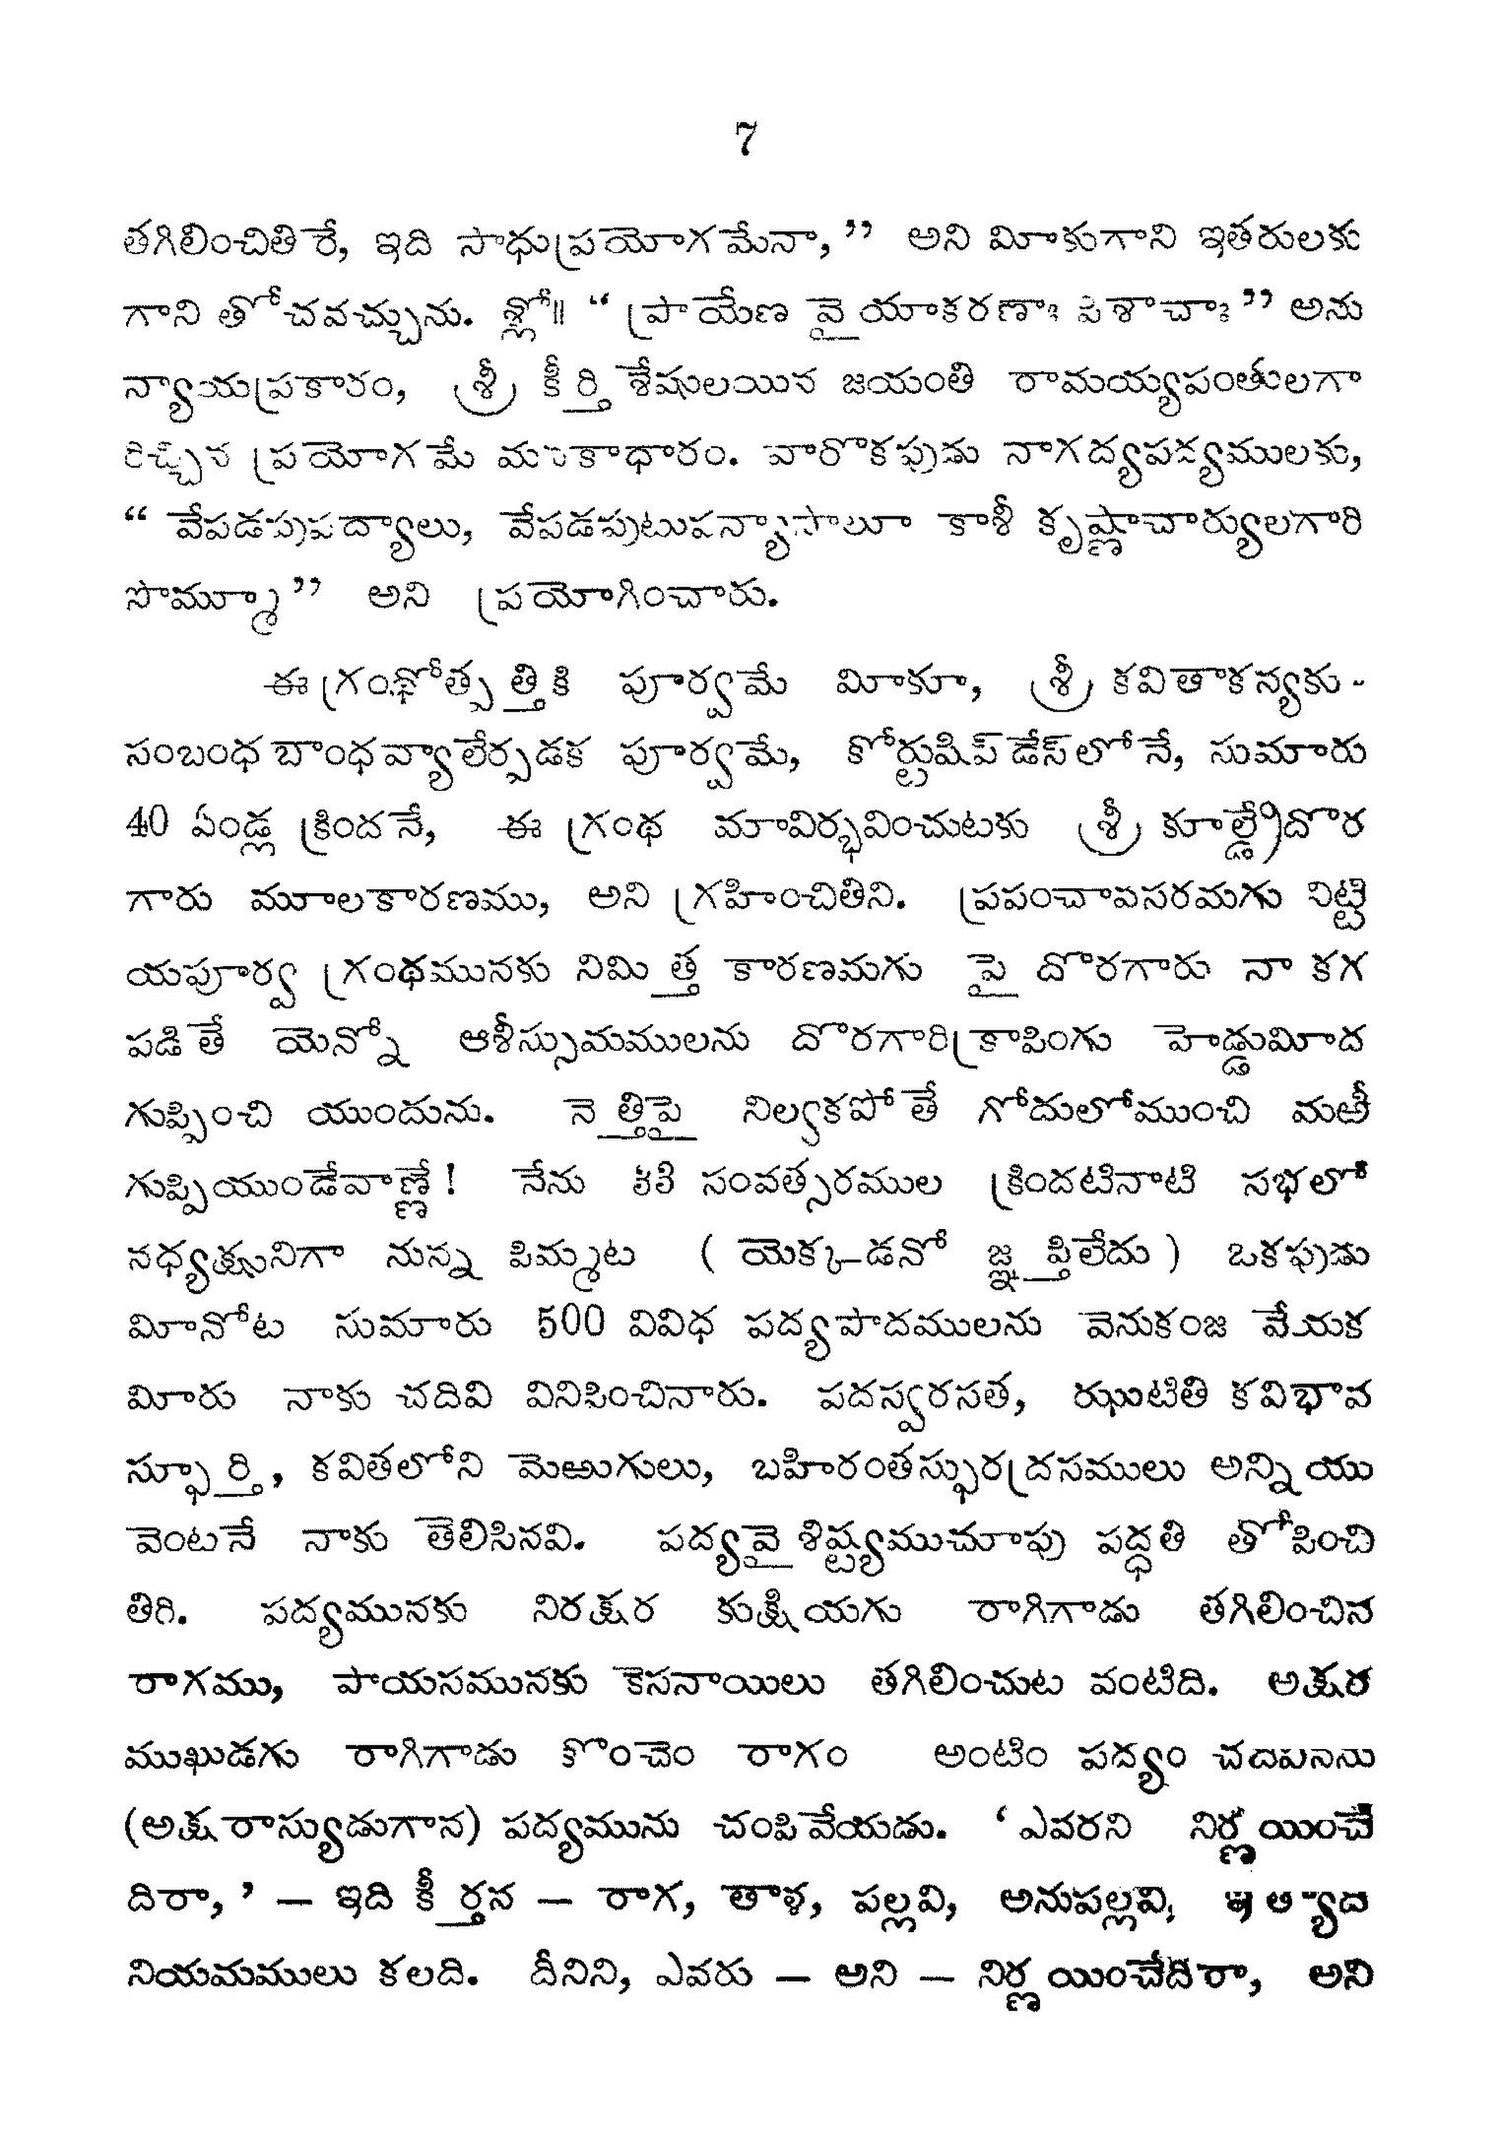తగిలించితిరే, ఇది సాధుప్రయోగమేనా,” అని మీకుగాని ఇతరులకు
గాని తోచవచ్చును. శ్లో॥ " ప్రాయేణ వైయాకరణాః పిశాచాః" అను 
న్యాయప్రకారం, శ్రీ కీర్తిశేషులయిన జయంతి రామయ్యపంతులగా
రిచ్చిన ప్రయోగమే మనకాధారం. వారొకపుడు నాగద్యపద్యములకు,
“వేపడపుపద్యాలు, వేపడపుటుపన్యాసాలూ కాశీ కృష్ణాచార్యులగారి
సొమ్మూ” అని ప్రయోగించారు.

ఈగ్రంథోత్పత్తికి పూర్వమే మీకూ, శ్రీ కవితాకన్యకు -
సంబంధబాంధవ్యాలేర్పడక పూర్వమే, కోర్టుషిప్‌డేస్‌లోనే, సుమారు
40 ఏండ్ల క్రిందనే, ఈ గ్రంథ మావిర్భవించుటకు శ్రీ కూల్డ్రేదొర
గారు మూలకారణము, అని గ్రహించితిని. ప్రపంచావసరమగు నిట్టి
యపూర్వ గ్రంథమునకు నిమిత్త కారణమగు పై దొరగారు నా కగ
పడితే యెన్నో ఆశీస్సుమములను దొరగారిక్రాపింగు హెడ్డుమీద
గుప్పించి యుందును. నెత్తిపై నిల్వకపోతే గోదులోముంచి మఱీ
గుప్పియుండేవాణ్ణి ! నేను 33 సంవత్సరముల క్రిందటినాటి సభలో
నధ్యక్షునిగా నున్న పిమ్మట ( యెక్కడనో జ్ఞప్తిలేదు) ఒకపుడు
మీనోట సుమారు 500 వివిధ పద్యపాదములను వెనుకంజ వేయక
మీరు నాకు చదివి వినిపించినారు. పదస్వరసత, ఝుటితి కవిభావ
స్ఫూర్తి, కవితలోని మెఱుగులు, బహిరంతస్ఫురద్రసములు అన్నియు
వెంటనే నాకు తెలిసినవి. పద్యవైశిష్ట్యముచూపు పద్ధతి తోపించి
తిరి. పద్యమునకు నిరక్షర కుక్షియగు రాగిగాడు తగిలించిన
రాగము, పాయసమునకు కెసనాయిలు తగిలించుట వంటిది. అక్షర
ముఖుడగు రాగిగాడు కొంచెం రాగం అంటిం పద్యం చదవినను
(అక్షరాస్యుడుగాన) పద్యమును చంపివేయడు. 'ఎవరని నిర్ణయించే
దిరా,' - ఇది కీర్తన - రాగ, తాళ, పల్లవి, అనుపల్లవి: ఇత్యాది
నియమములు కలది. దీనిని, ఎవరు - అని - నిర్ణయించేదిరా, అని